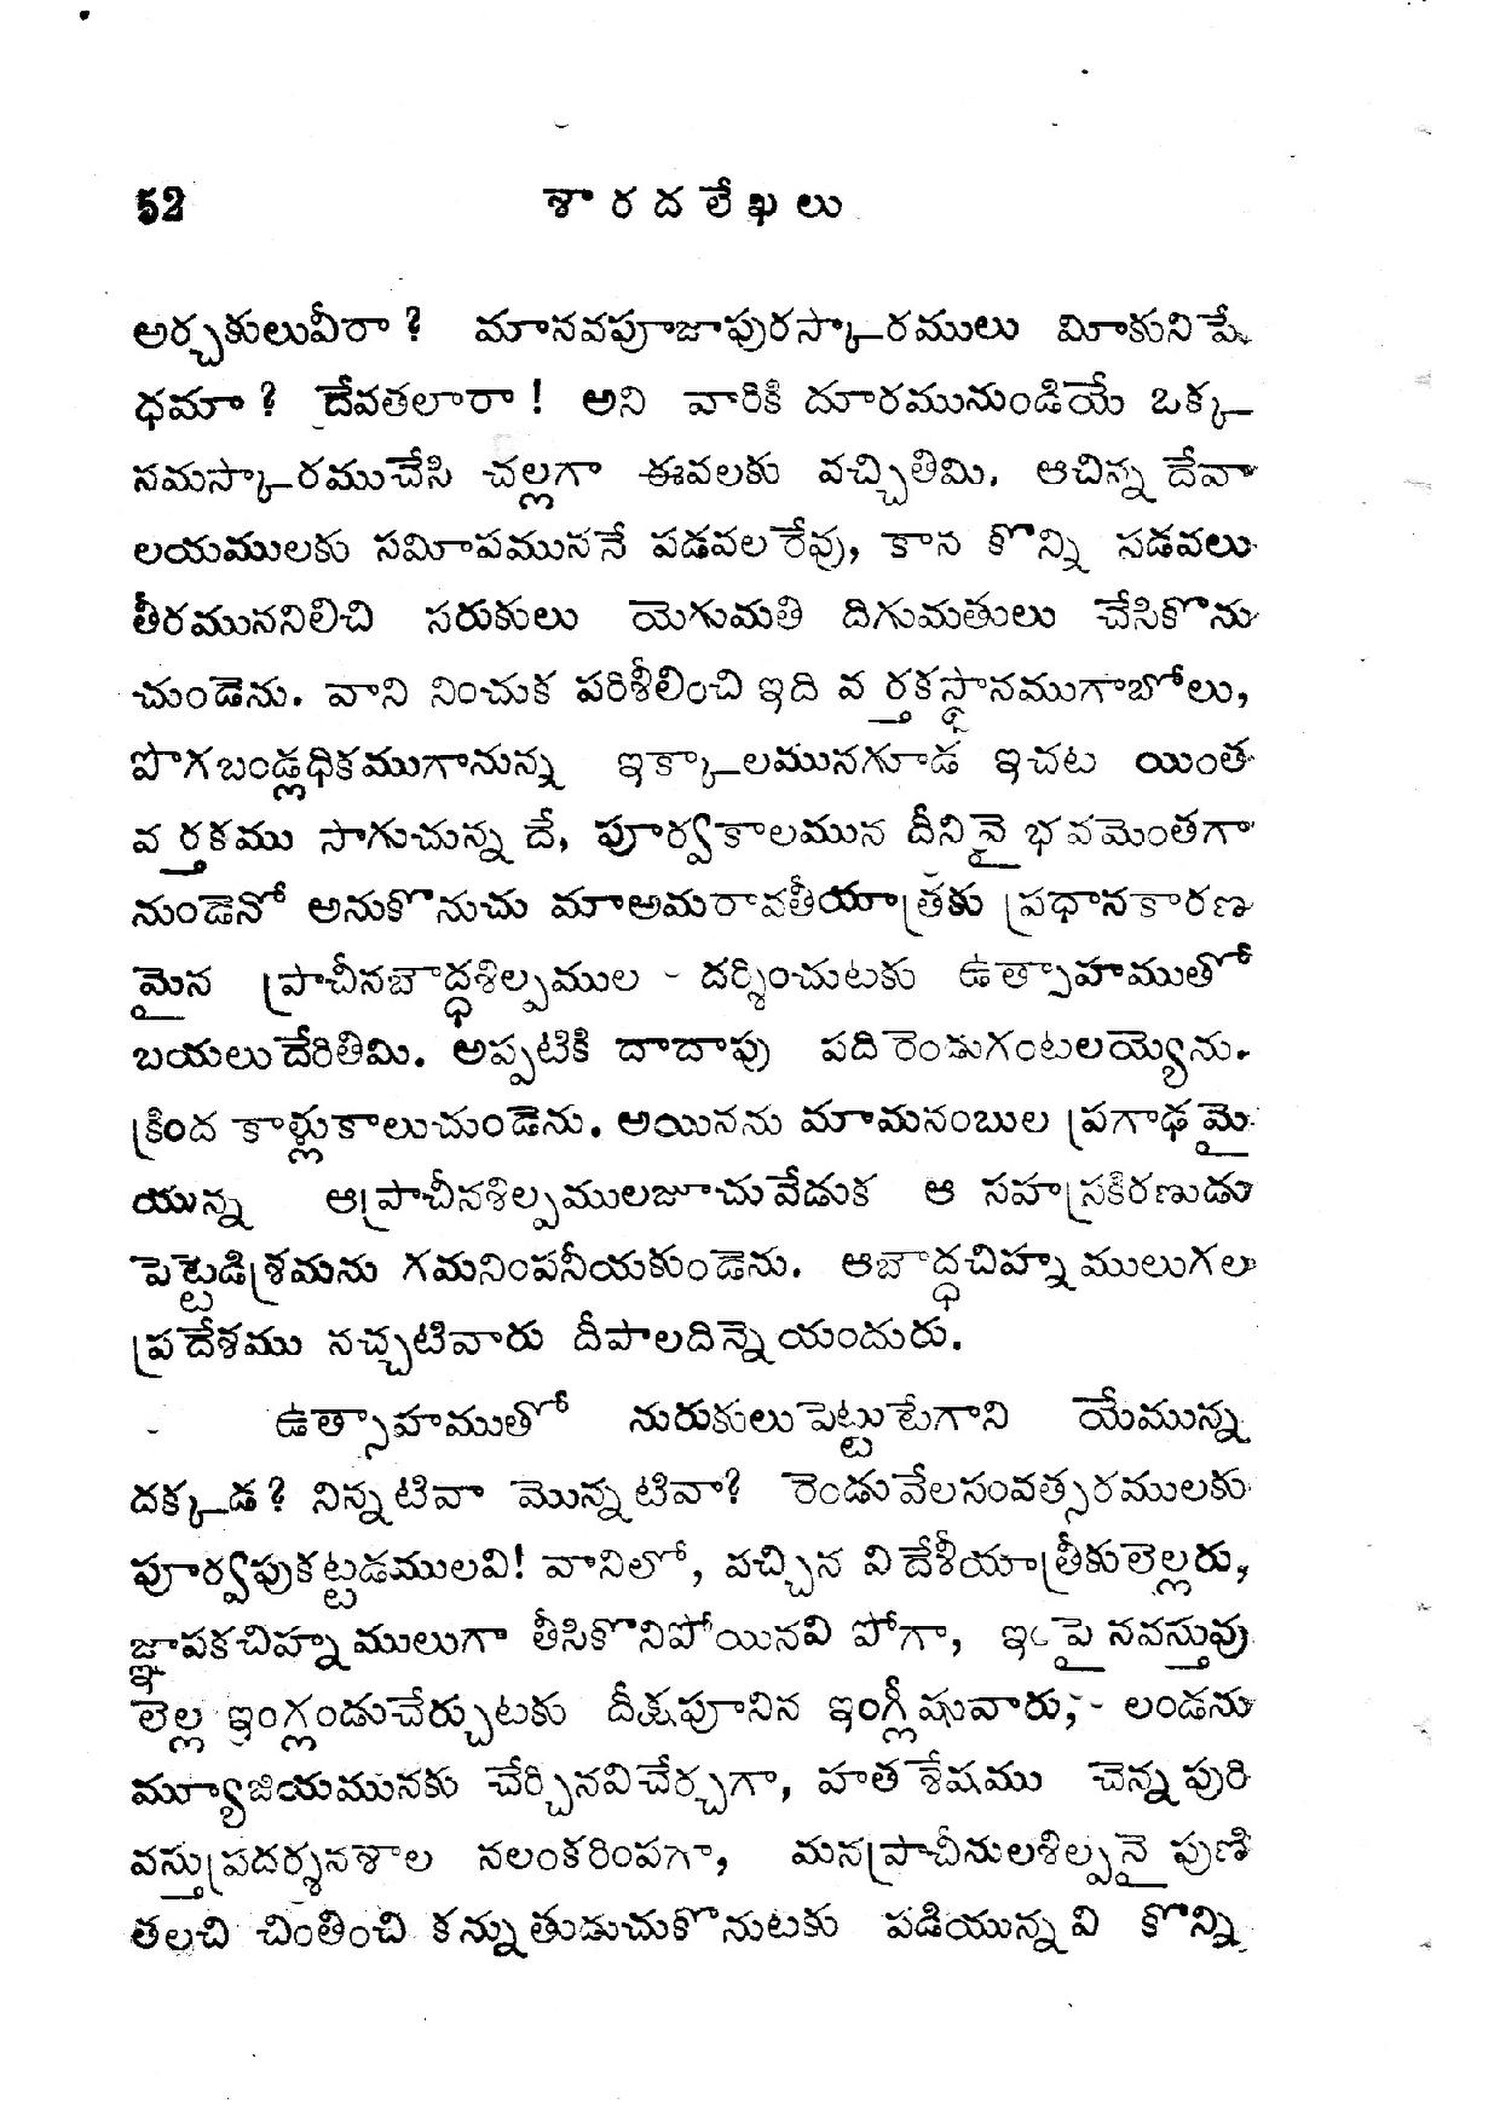అర్చకులువీరా ? మానవపూజాపురస్కారములు మీకునిషే 
ధమా? దేవతలారా ! అని వారికి దూరమునుండియే ఒక్క
సమస్కారముచేసి చల్లగా ఈవలకు వచ్చితిమి. ఆచిన్న దేవా
లయములకు సమీపముననే పడవలరేవు, కాన కొన్ని పడవలు
తీరముననిలిచి సరుకులు యెగుమతి దిగుమతులు చేసికొను
చుండెను. వాని నించుక పరిశీలించి ఇది వర్తకస్థానముగాబోలు,
పొగబండ్లధికముగానున్న ఇక్కాలమునగూడ ఇచట యింత
వర్తకము సాగుచున్నదే, పూర్వకాలమున దీనివైభవమెంతగా
నుండెనో అనుకొనుచు మాఅమరావతీయాత్రకు ప్రధానకారణ
మైన ప్రాచీనబౌద్ధశిల్పముల దర్శించుటకు ఉత్సాహముతో
బయలు దేరితిమి. అప్పటికి దాదాపు పదిరెండుగంటలయ్యెను.
క్రింద కాళ్లుకాలుచుండెను. అయినను మామనంబుల ప్రగాఢమై
యున్న ఆప్రాచీనశిల్పములజూచు వేడుక ఆ సహస్రకిరణుడు
పెట్టెడిశ్రమను గమనింపనీయకుండెను. ఆబౌద్ధచిహ్నములుగల
ప్రదేశము నచ్చటివారు దీపాలదిన్నెయందురు.

ఉత్సాహముతో నురుకులు పెట్టుటేగాని యేమున్న
దక్కడ? నిన్నటివా మొన్నటివా? రెండువేల సంవత్సరములకు
పూర్వపుకట్టడములవి! వానిలో, వచ్చిన విదేశీయాత్రీకులెల్లరు,
జ్ఞాపక చిహ్నములుగా తీసికొనిపోయినవి పోగా, ఇంపైనవస్తువు
లెల్ల ఇంగ్లండు చేర్చుటకు దీక్ష పూనిన ఇంగ్లీషువారు, లండను
మ్యూజియమునకు చేర్చినవి చేర్చగా, హత శేషము చెన్నపురి
వస్తుప్రదర్శనశాల నలంకరింపగా, మనప్రాచీనులశిల్పనైపుణి
తలచి చింతించి కన్నుతుడుచుకొనుటకు పడియున్నవి కొన్ని